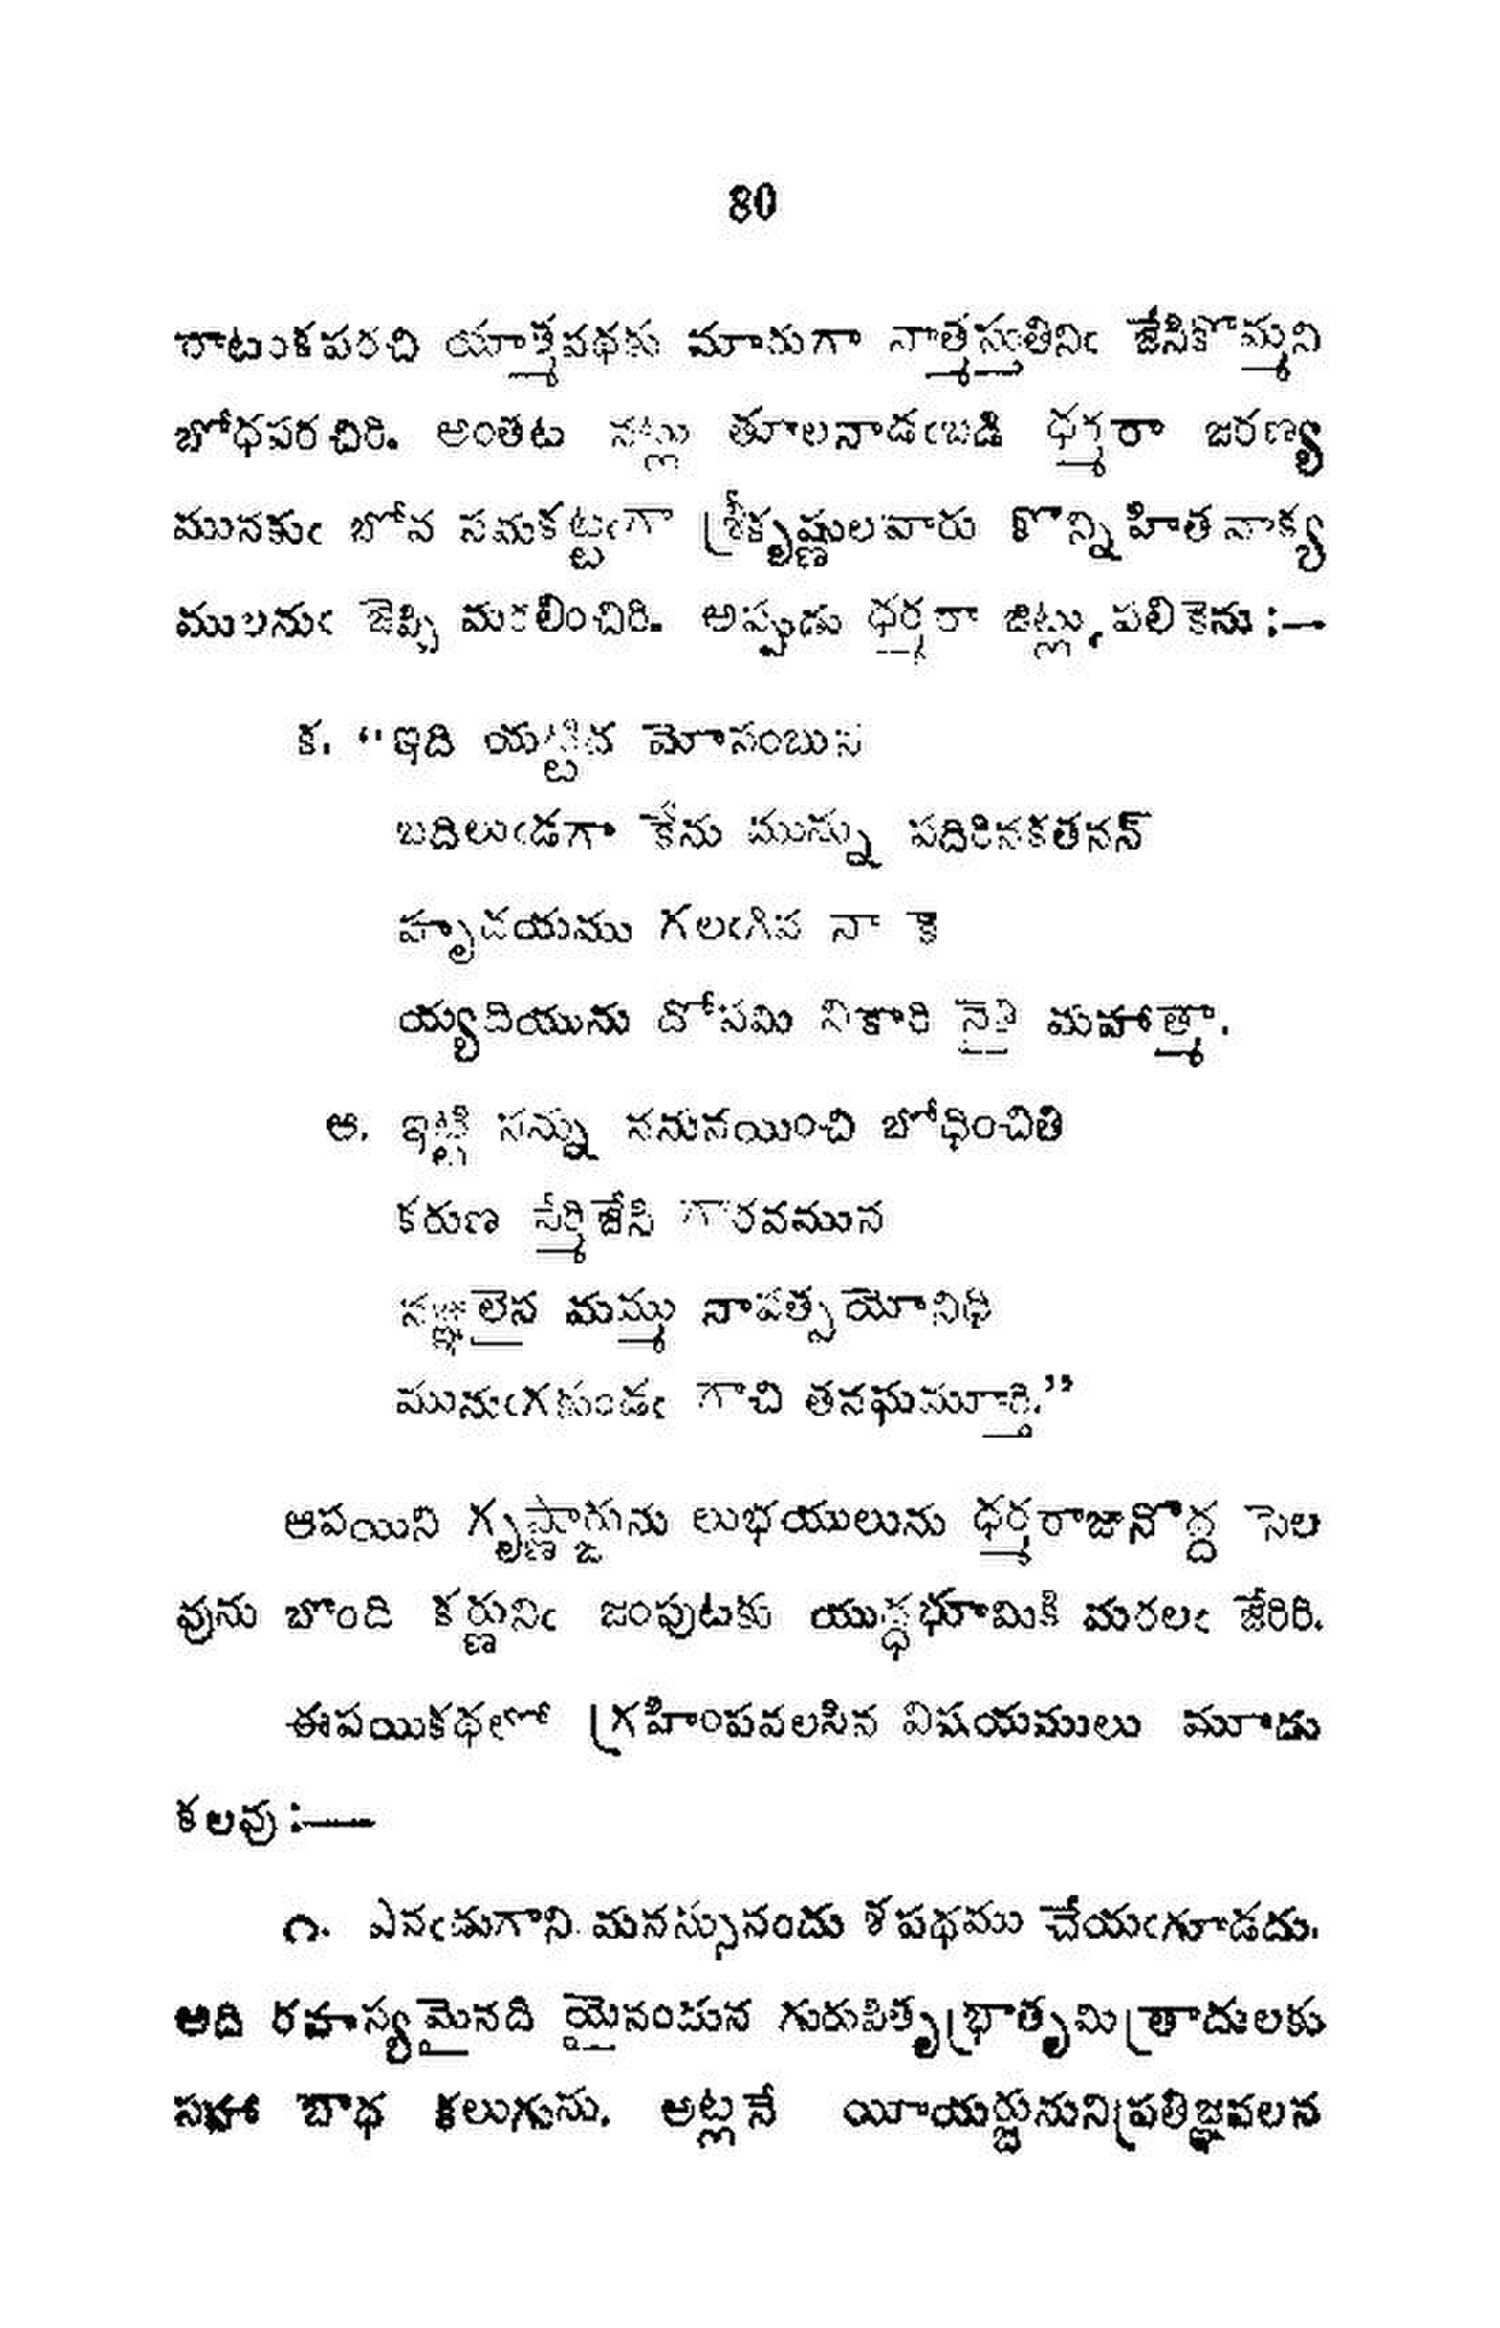రాటంకపరచి యాత్మవథకు మారుగా నాత్మస్తుతినిఁ జేసికొమ్మని బోధపరచిరి. అంతట నట్లు తూలనాడఁబడి ధర్మరా జరణ్యమునకుఁ బోవ సమకట్టగా శ్రీకృష్ణులవారు కొన్నిహితవాక్యములనుఁ జెప్పి మరలించిరి. అప్పుడు ధర్మరా జిట్లు పలికెను :--

క. "ఇది యట్టిద మోసంబున
 బదిలుఁడగా కేను మున్ను పదిరినకతనన్
 హృదయము గలఁగిన నా కె
 య్యదియును దోసమి నికారి నైతి మహాత్మా.

అ. ఇట్టి నన్ను ననునయించి బోధించితి
 కరుణ సేర్మిజేసి గారవమున
 నజ్ఞులైన మమ్ము నాపత్సయోనిధి
 మునుఁగుకుండఁ గాచి తనఘమూర్తి."
ఆపయిని గృష్ణార్జును లుభయులును ధర్మరాజునొద్ద సెలవును బొంది కర్ణునిఁ జంపుటకు యుద్ధభూమికి మరలఁ జేరిరి.

ఈపయికథలో గ్రహింపవలసిన విషయములు మూడు కలవు :-

1. ఎవఁడుగాని మనస్సునందు శపథము చేయఁగూడదు. అది రహస్యమైనది యైనందున గురుపితృభ్రాతృమిత్రాదులకు సహా బాధ కలుగును. అట్లనే యీయర్జునునిప్రతిజ్ఞవలన